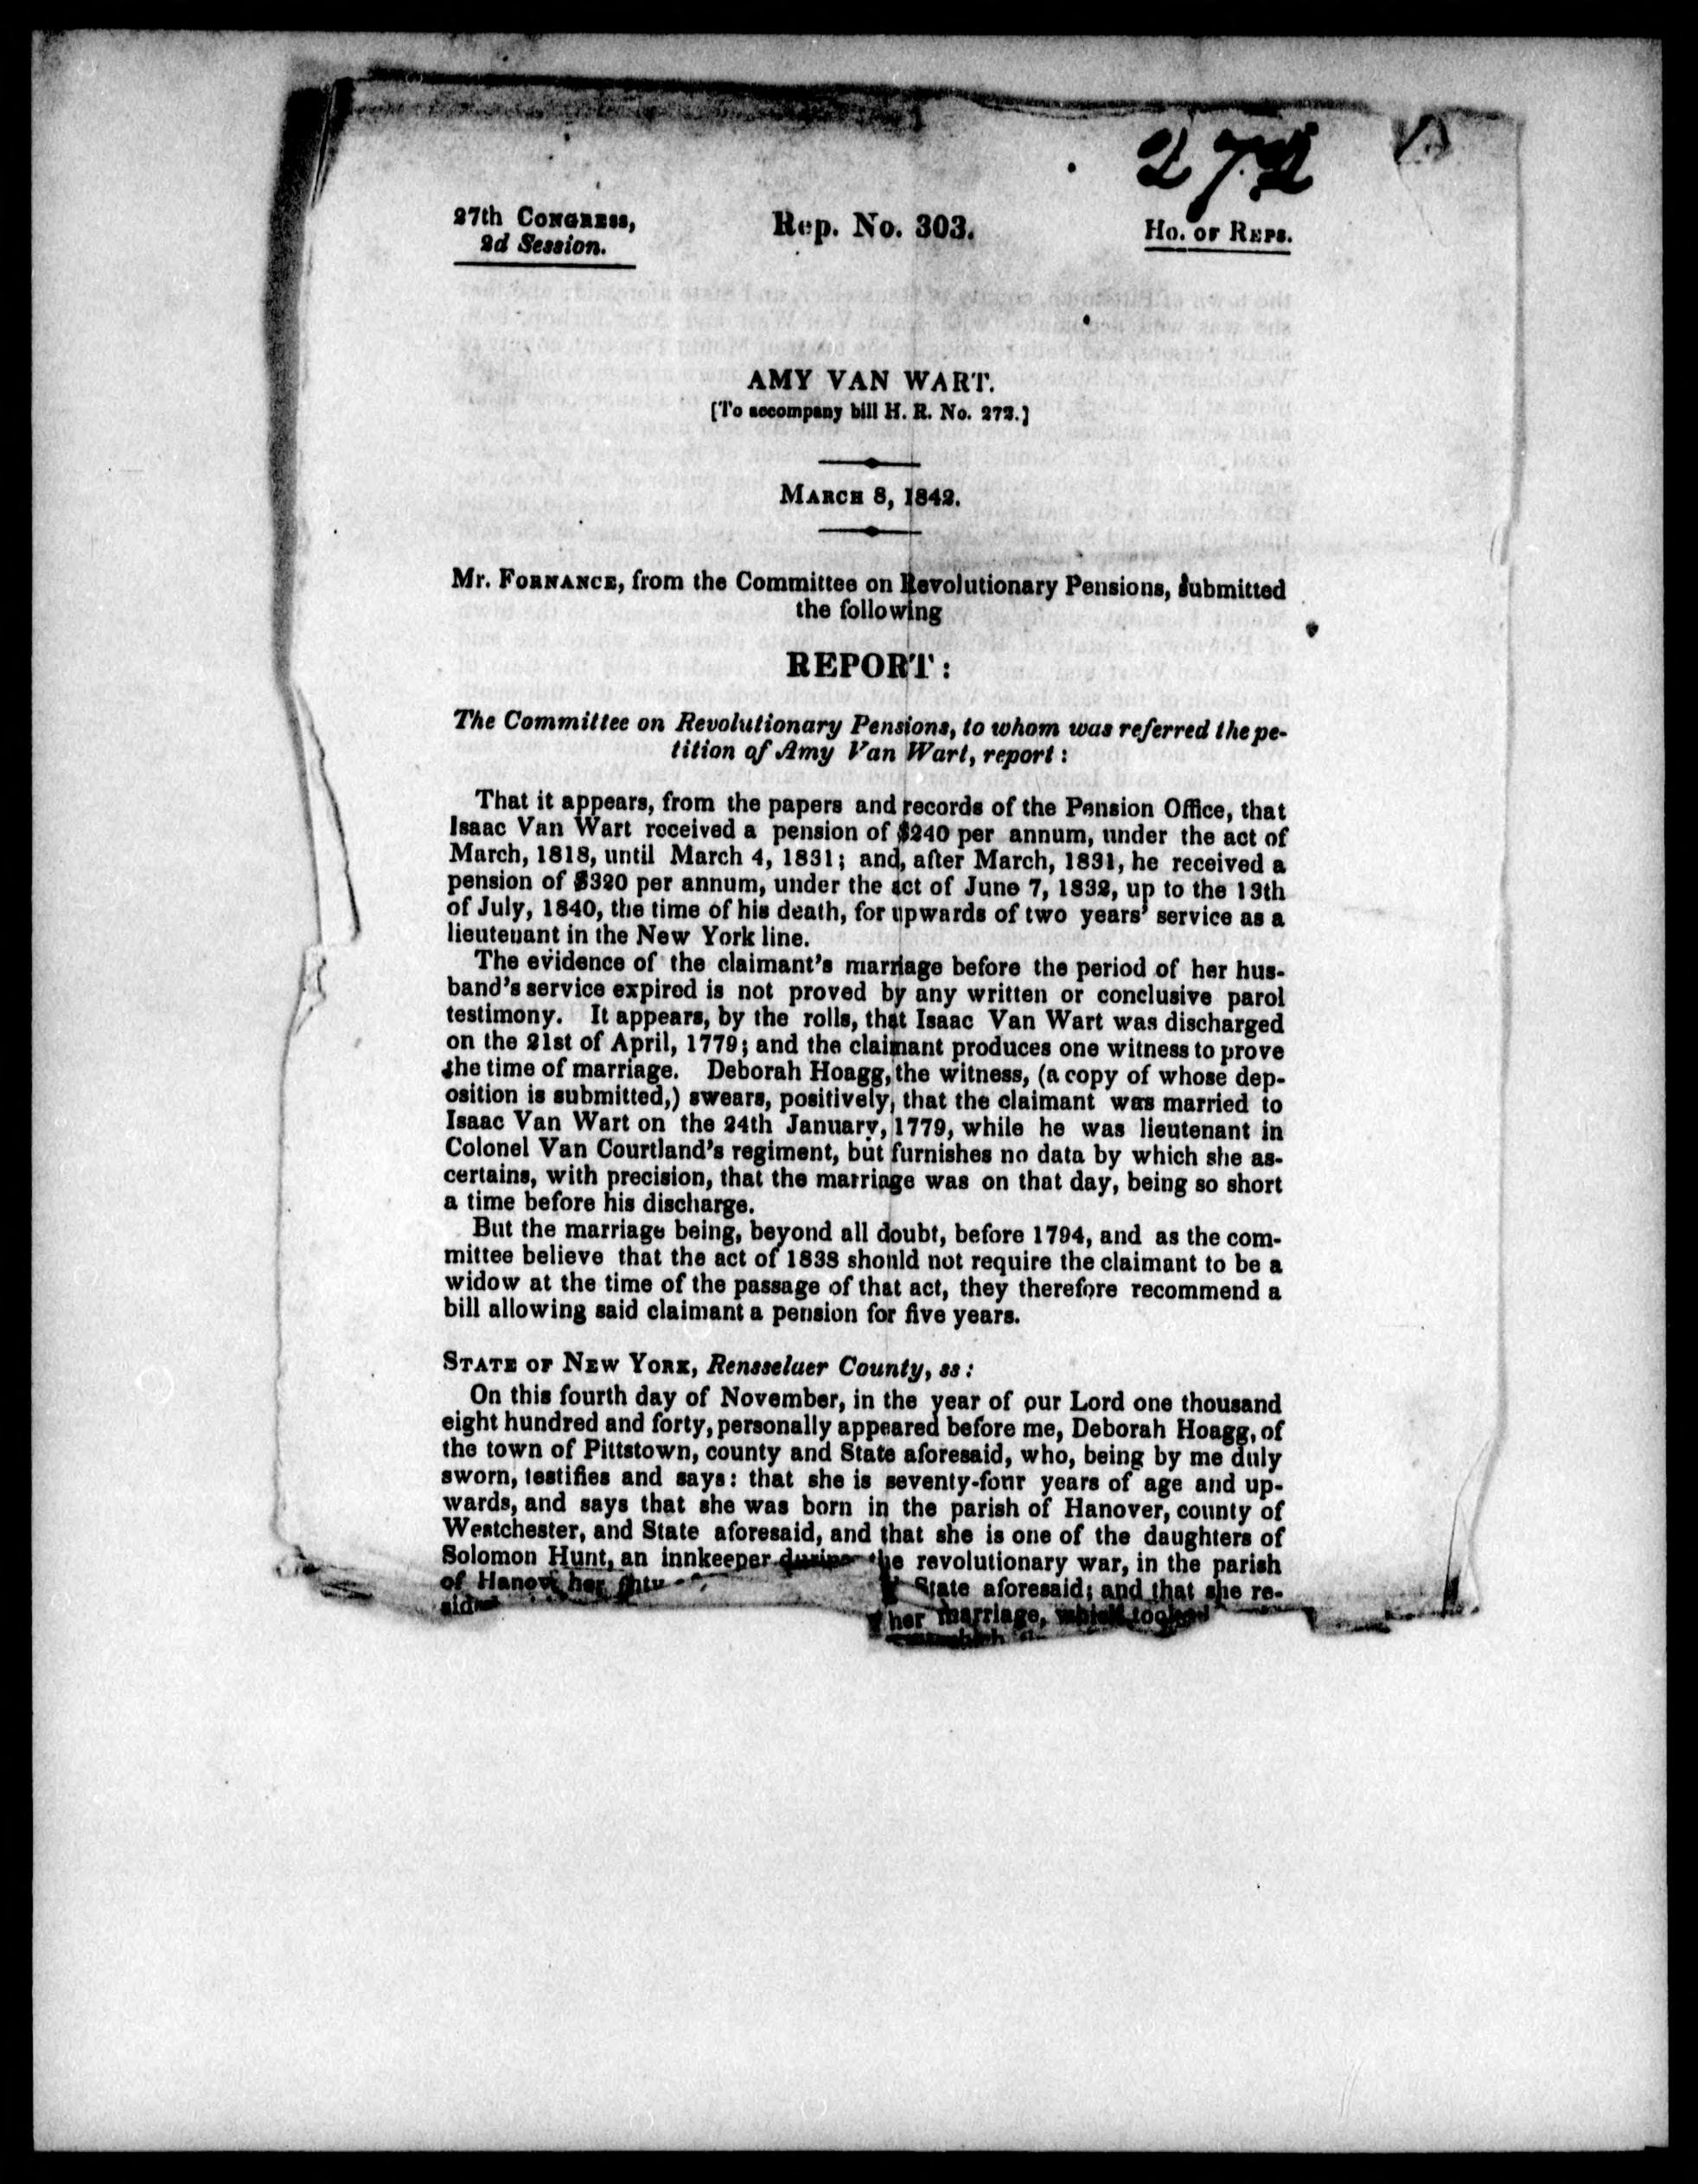272
27th CONGRESS, 2d Session. 
Rep. No. 303. 
Ho. of Reps.
AMY VAN WART. [To accompany bill H. R. No. 272.}
MARCH 8, 1842.
Mr. FORNANCE, from the Committee on Revolutionary Pensions, submitted the following REPORT: 
The Committee on Revolutionary Pensions, to whom was referred the petition of Amy Van Wart, report: 
That it appears, from the papers and records of the Pension Office, that Isaac Van Wart received a pension of $240 per annum, under the act of March, 1818, until March 4, 1831; and, after March, 1831, he received a pension of $320 per annum, under the act of June 7, 1832, up to the 13th of July, 1840, the time of his death, for upwards of two years' service as a lieutenant in the New York line. 
The evidence of the claimant's marriage before the period of her husband 's service expired is not proved by any written or conclusive parol testimony. It appears, by the rolls, that Isaac Van Wart was discharged on the 21st of April, 1779, and the claimant produces one witness to prove the time of marriage. Deborah Hoagg, the witness, (a copy of whose deposition is submitted,) swears, positively, that the claimant was married to Isaac Van Wart on the 24th January, 1779, while he was lieutenant in Colonel Van Courtland's regiment, but furnishes no data by which she ascertains, with precision, that the marriage was on that day, being so short a time before his discharge.
But the marriage being, beyond all doubt, before 1794, and as the committee believe that the act of 1838 should not require the claimant to be a widow at the time of the passage of that act, they therefore recommend a bill allowing said claimant a pension for five years. 
STATE OF NEW YORK, Rensselaer County, ss: On this fourth day of November, in the year of our Lord one thousand eight hundred and forty, personally appeared before me, Deborah Hoagg, of the town of Pittstown, county and State aforesaid, who being by me duly sworn, testifies and says: that she is seventy-four years of age and upwards, and says that she was born in the parish of Hanover, county of Westchester, and State aforesaid, and that she is one of the daughters of Solomon Hunt, an innkeeper during the revolutionary war, in the parish of Hanover her [remainder largely illegible except a random word or two]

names: Deborah Hoagg, Isaac Van Wart, Isaac Van Wart, Fornance, Amy Van Wart, Solomon Hunt, Amy Van Wart, Deborah Hoagg, Isaac Van Wart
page: 29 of 102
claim: widow's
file: W. 18239, Isaac Van Wart, New York